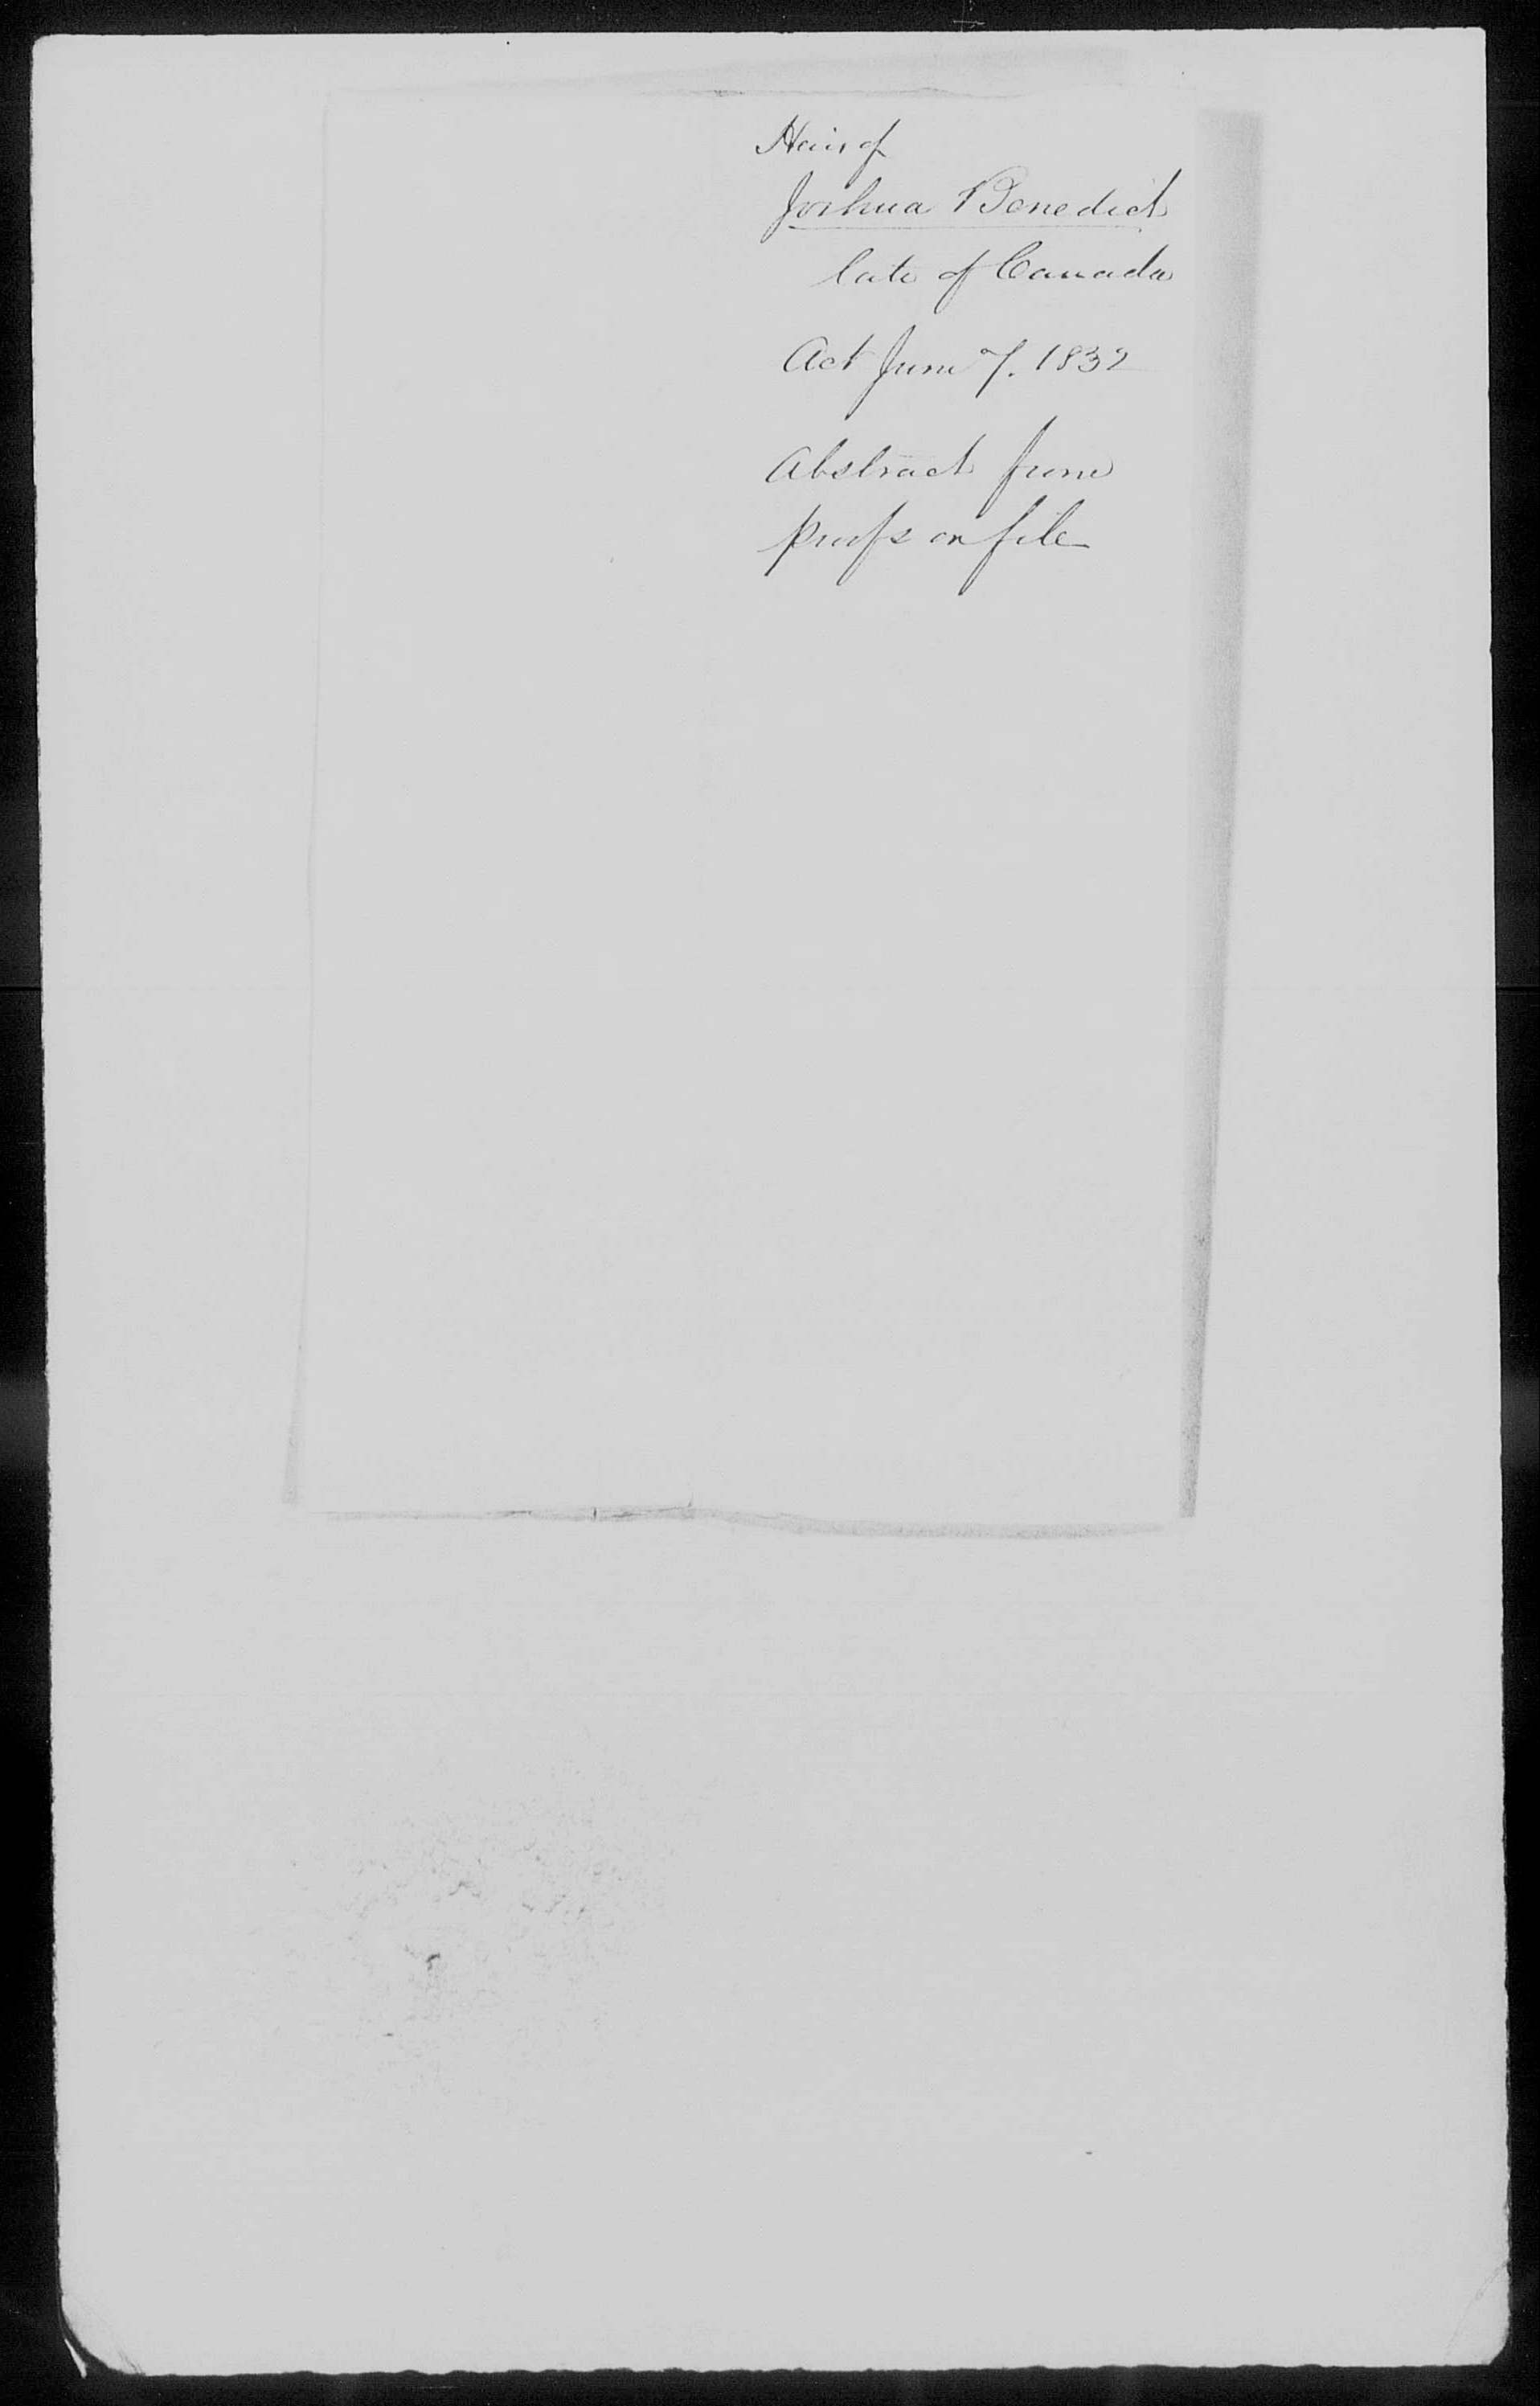Heirs of
Joshua Benedict
late of Canada
Act June 7. 1832

Abstract from
proofs on file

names: Joshua Benedict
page: 21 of 106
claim: survivor's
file: S 23,116., Joshua Benedict, Conn.